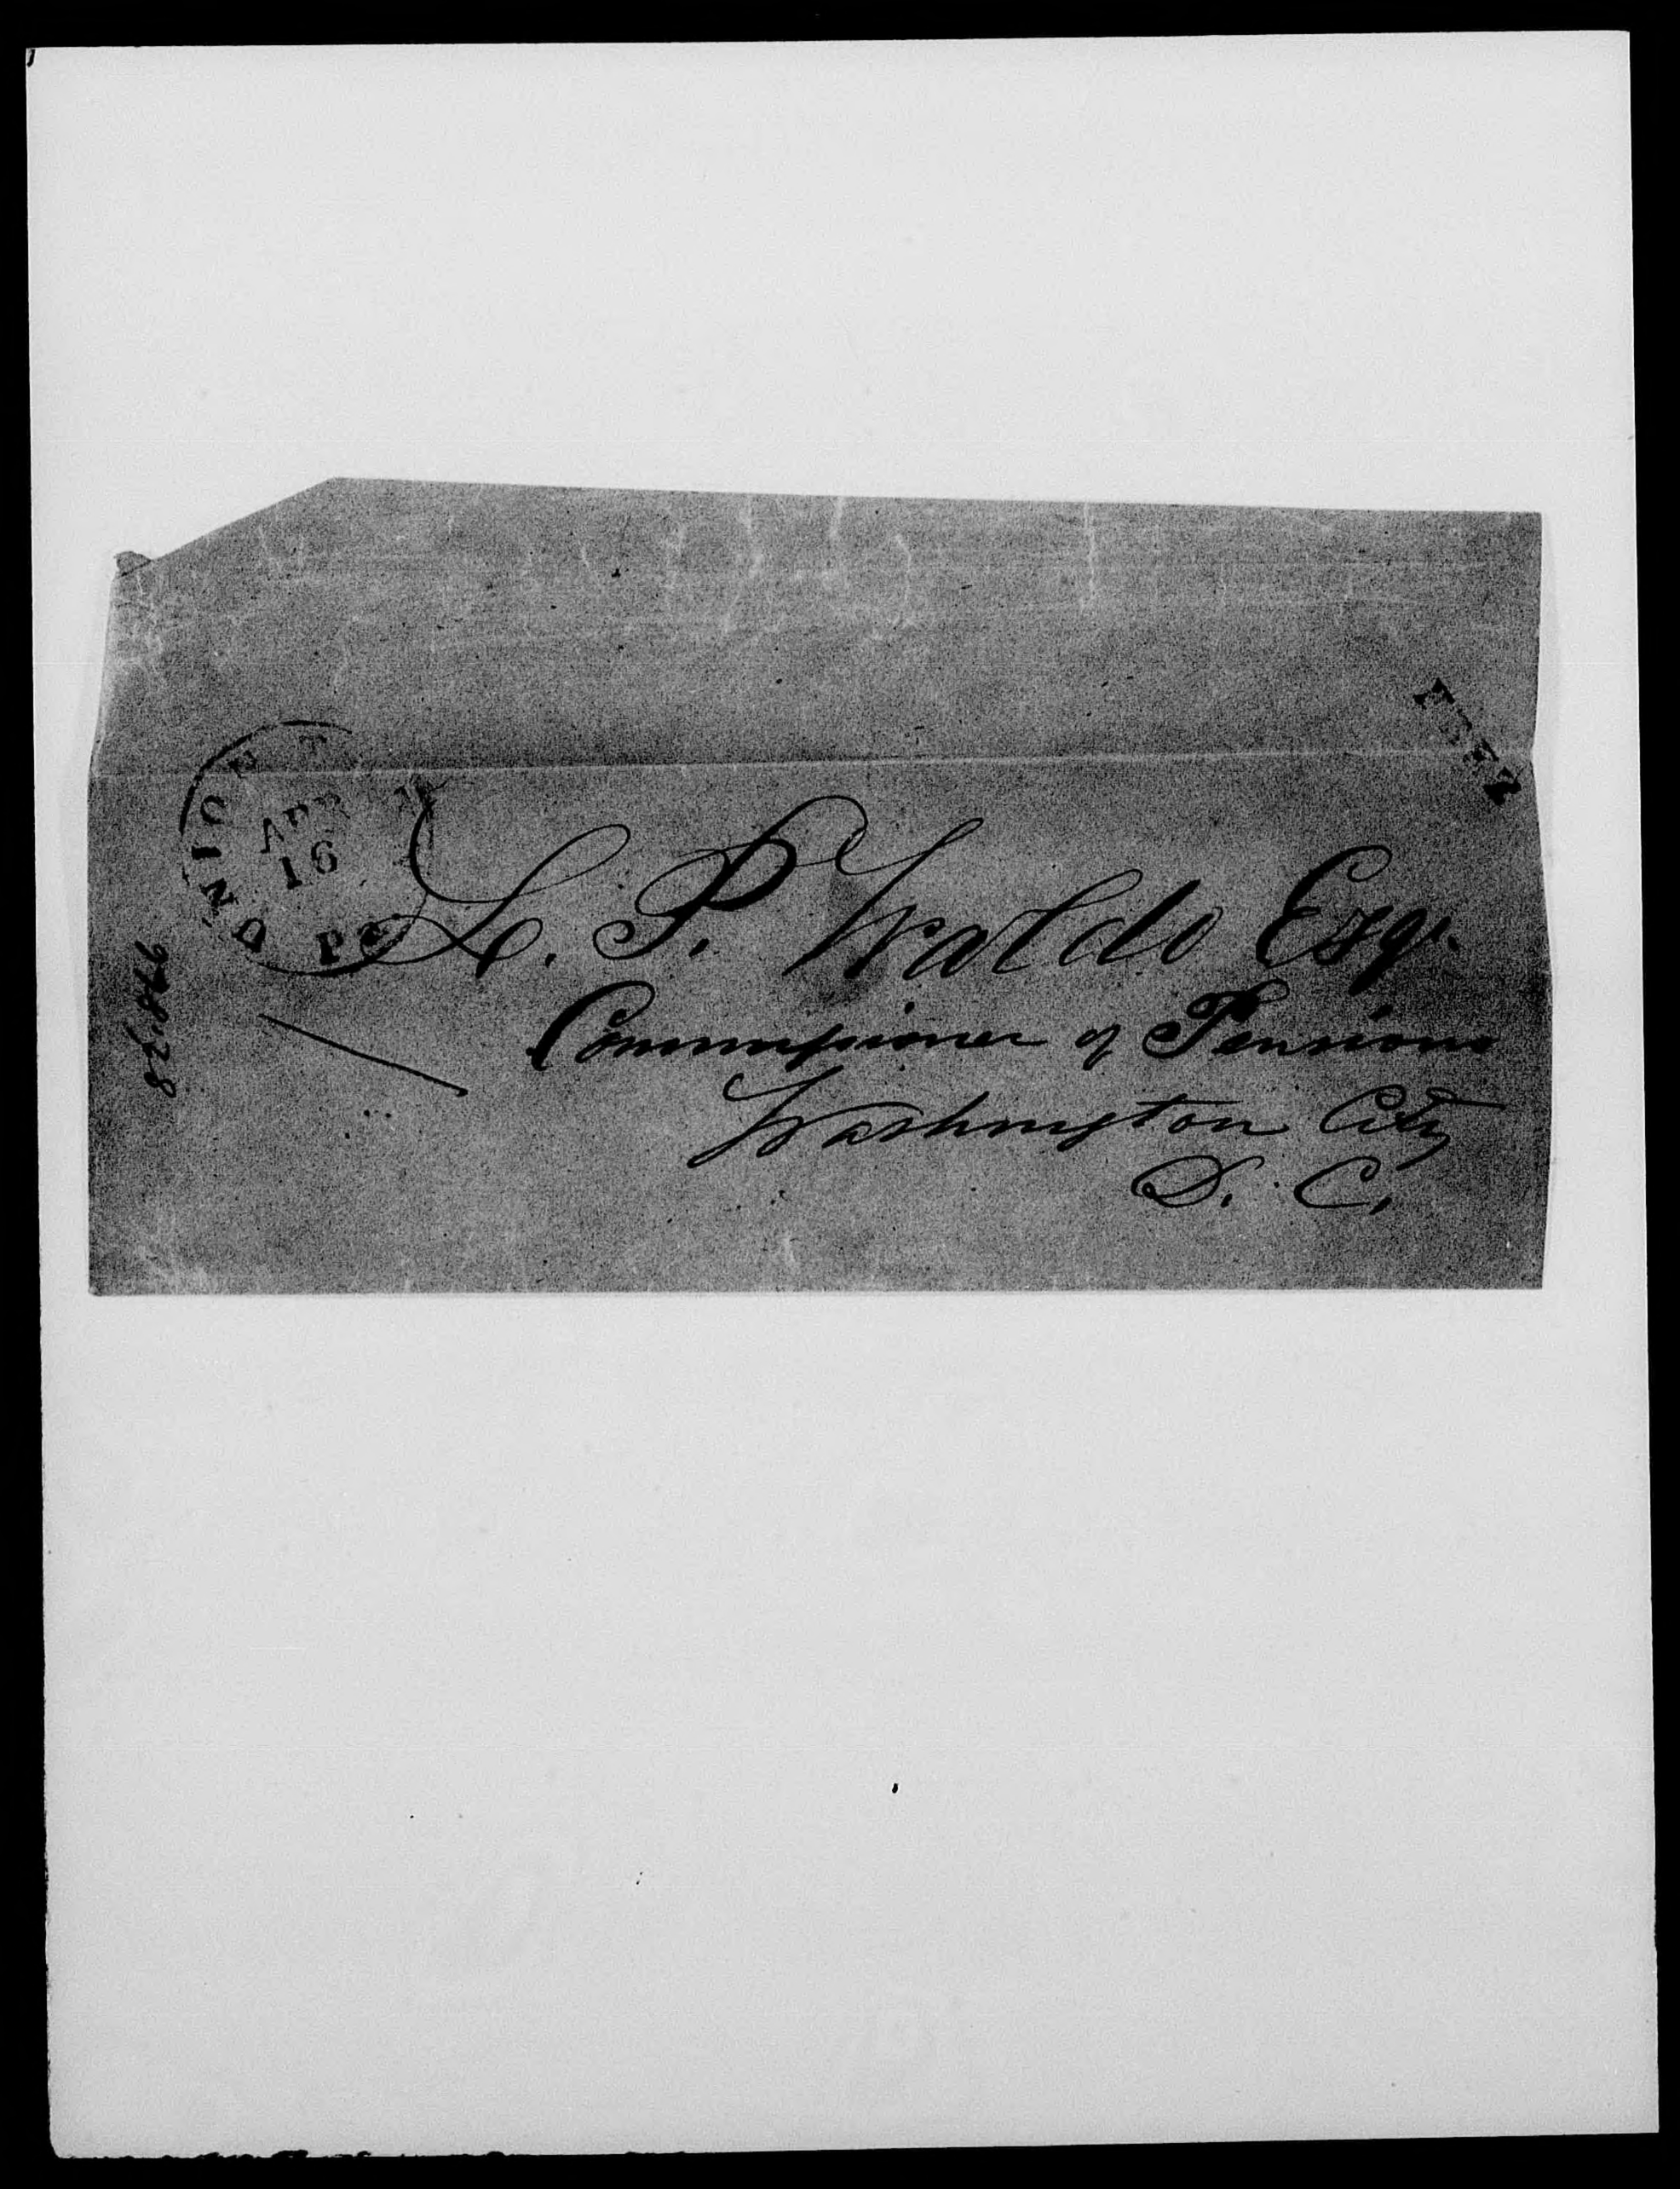82-866
UNION Pa APR 16
P.P. Waldo Esq.
Commissioner of Pensions
Washington City D>C>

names: L P Waldo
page: 75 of 81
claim: survivor's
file: S. 1908, Richard Harper, N.C.